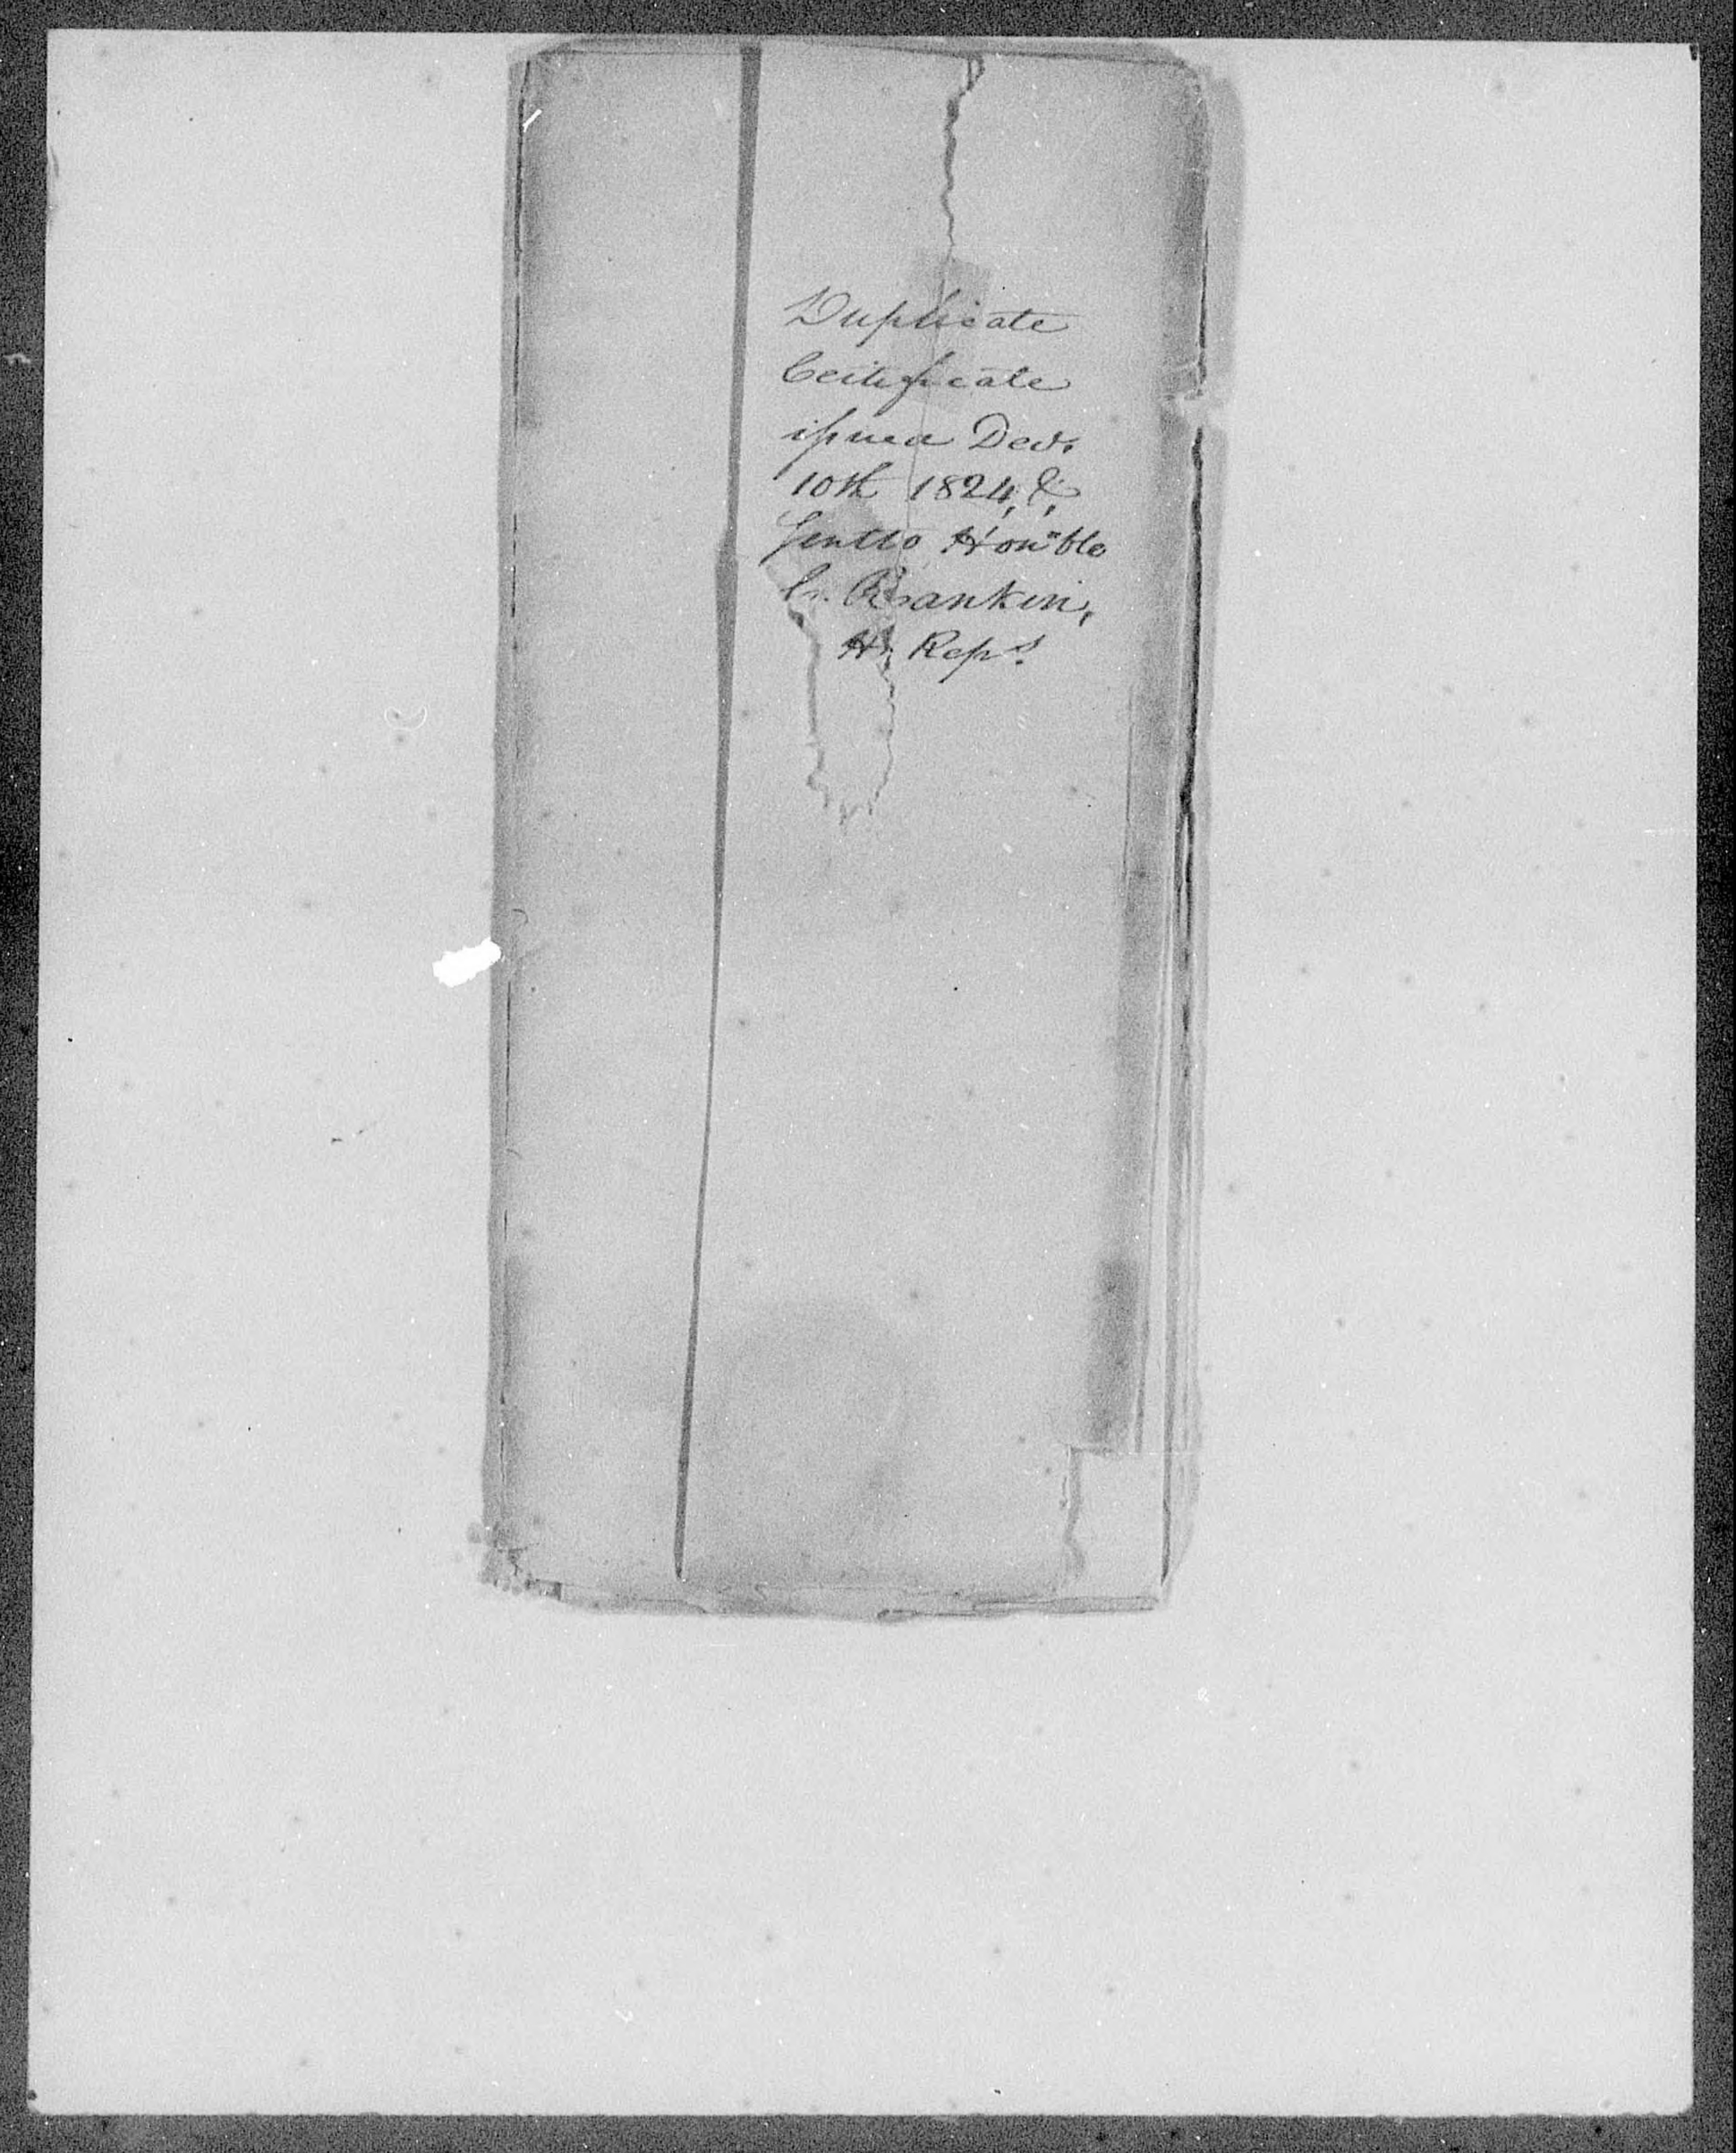Duplicate Certificate
issued Decr. 10th 1824. Va. Sent to Hon"ble Sr. Rankin
H. Reps.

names: Cr Rankin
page: 2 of 24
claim: survivor's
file: S. 34903, Benjamin Goodwin, Va.